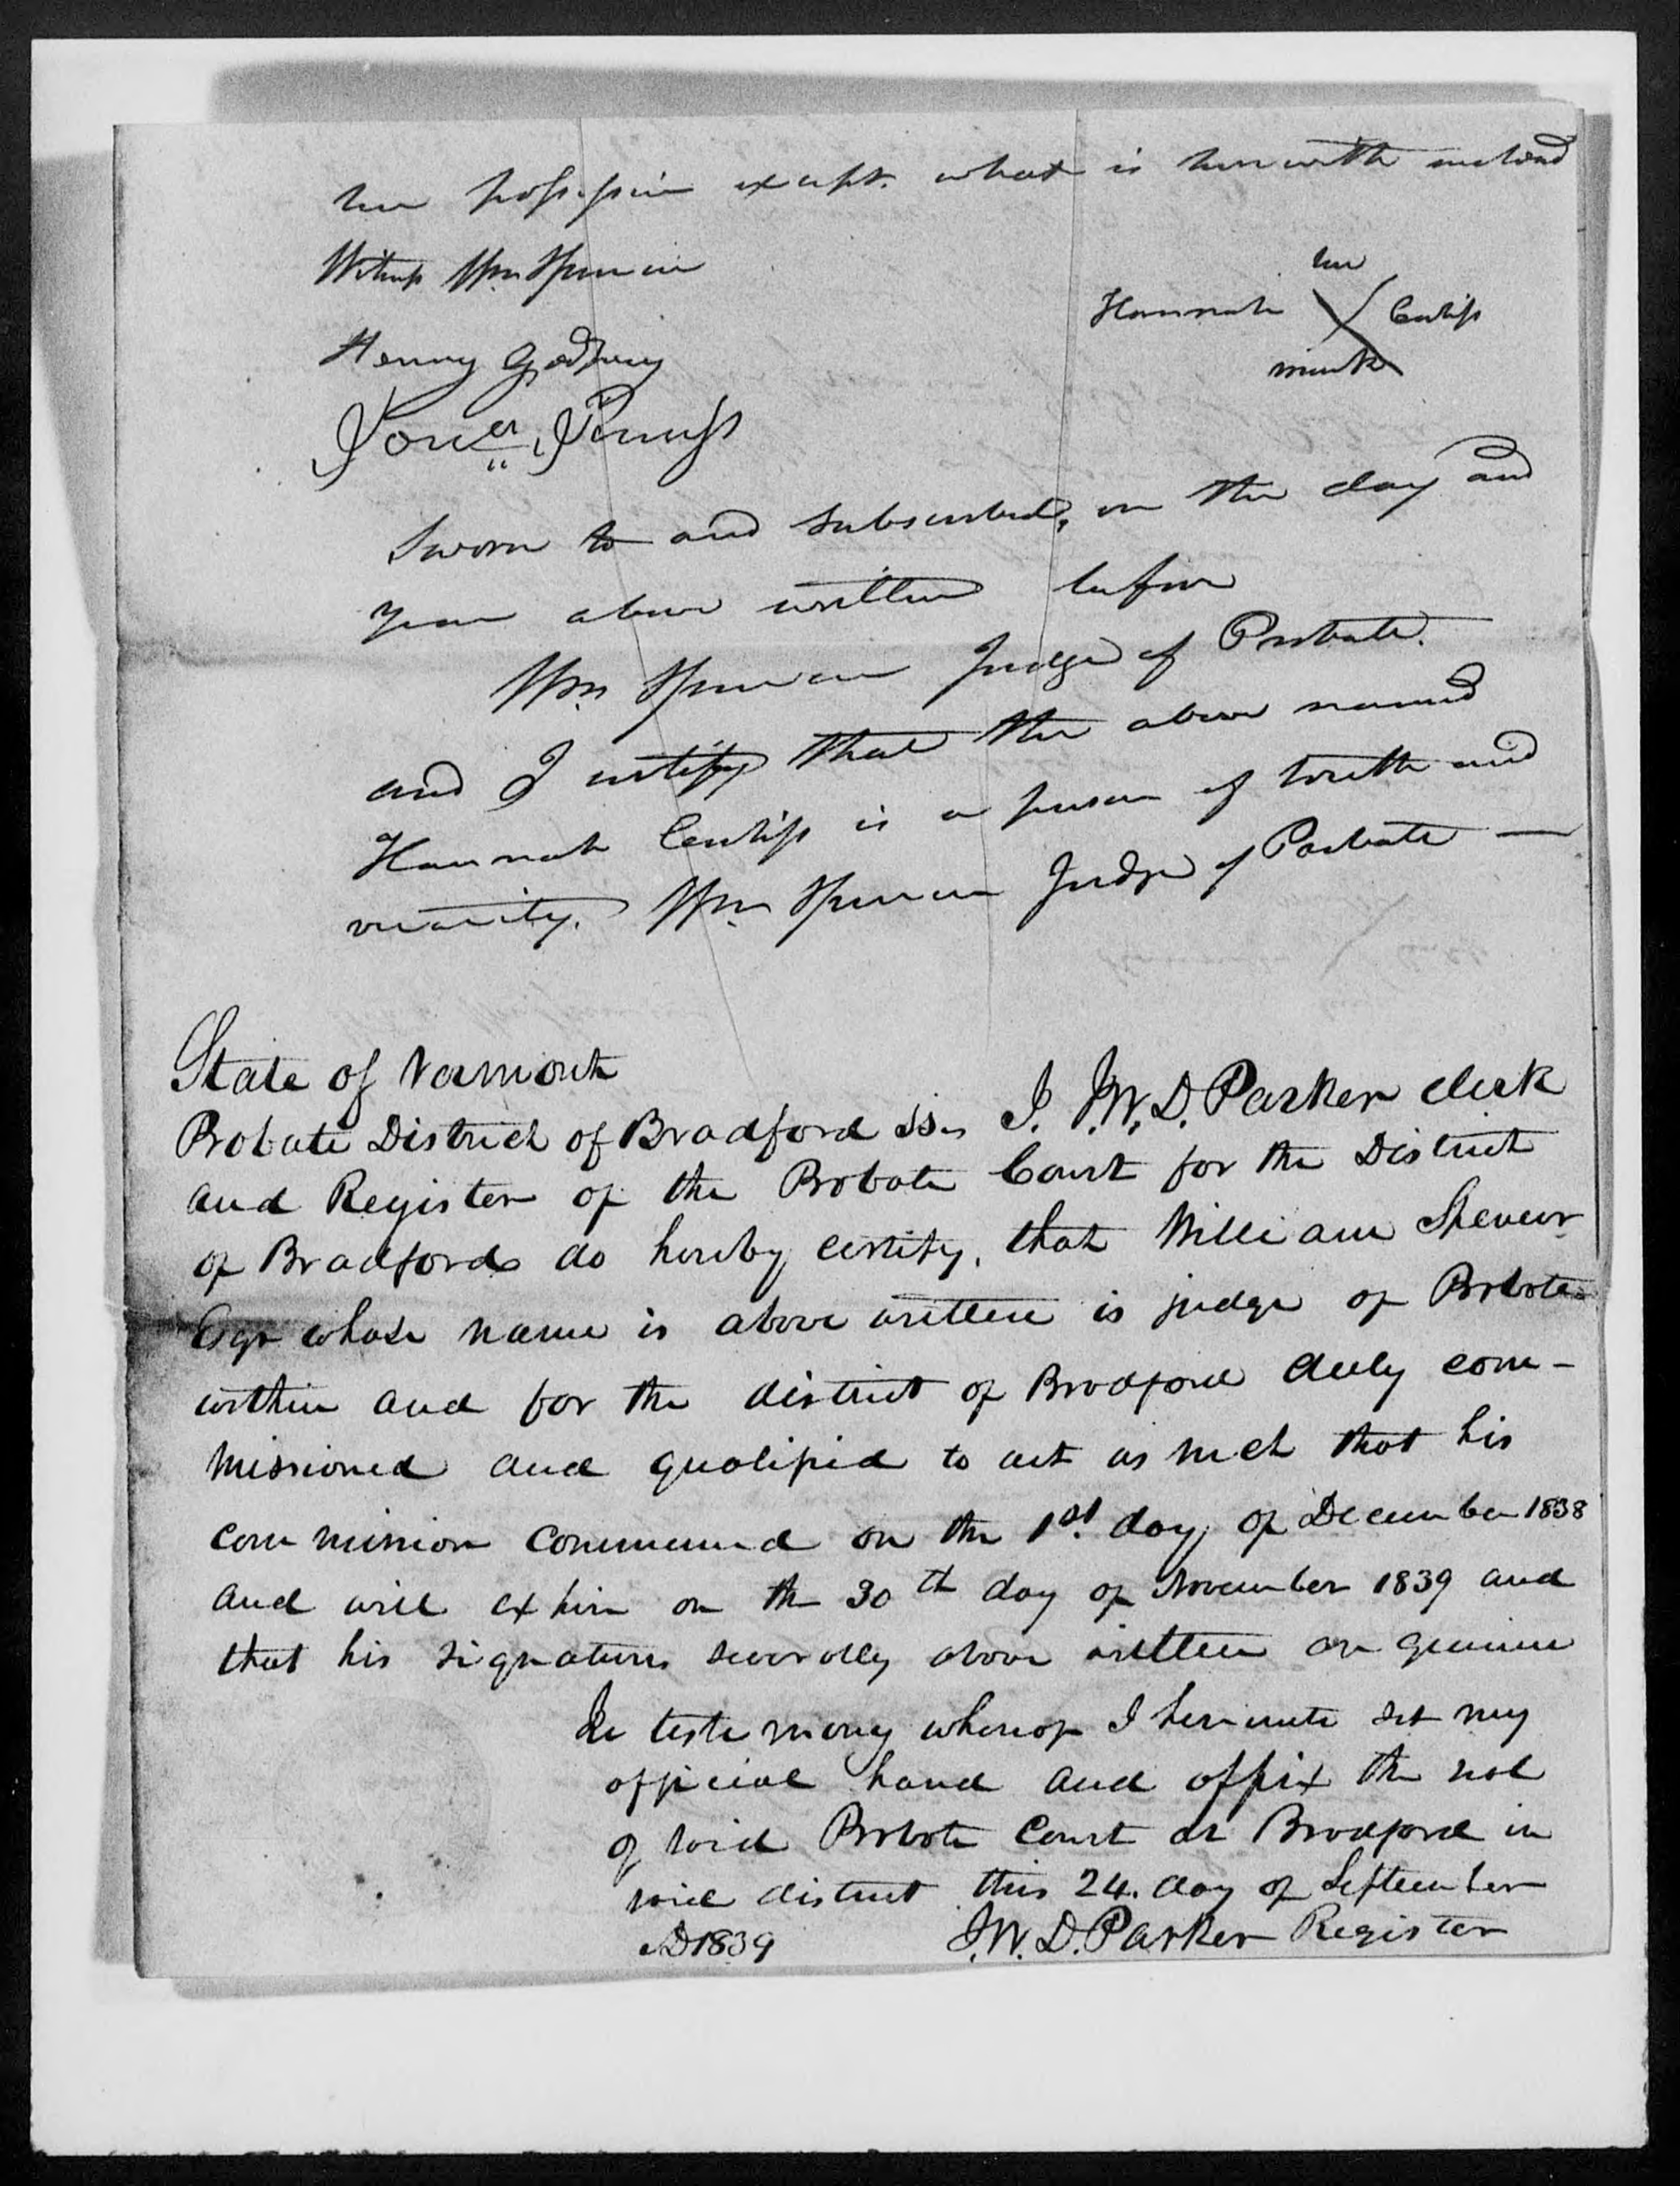her possession except what 
is herewith enclosed.
Hannah Corliss X her mark
Witness William Spencer
Henry Godfrey
Jonathan Jeness
mink
Sworn to and subscribed, on 
the day and year above written
before
William Spencer Judge of Probate.
and I certify that the above named
Hannah Corliss is a person
of truth and veracity. William Spencer
Judge of Probate
State of Vermont
Probate District of Bradford Ss.
I, J. W. D. Parker Clerk
and Register of the Probate
Court for the District
of Bradford do hereby certify
that William Spencer
Esquire whose name is above written is Judge of Probate
within and for the district of Bradford duly commissioned
and qualified to act as such that his
commission commenced on the 1st day of December 1838
and will expire on the 30th day of November 1839 and
that his signatures severally above written are genuine.
In testimony whereof I hereunto set my
official hand and affix the seal 
of said Probate Court at Bradford in
said district
this 24 day of September AD 1839 
J. W. D. Parker Register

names: Wm Spencer, Hannah Corliss, Henry Godfrey, Hannah Corliss, Jona Jenness, William Spencer, Wm Spencer, Wm Spencer, J W D Parker, J W D Parker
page: 10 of 34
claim: widow's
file: W. 20,896, Timothy Corless, Continental Mass